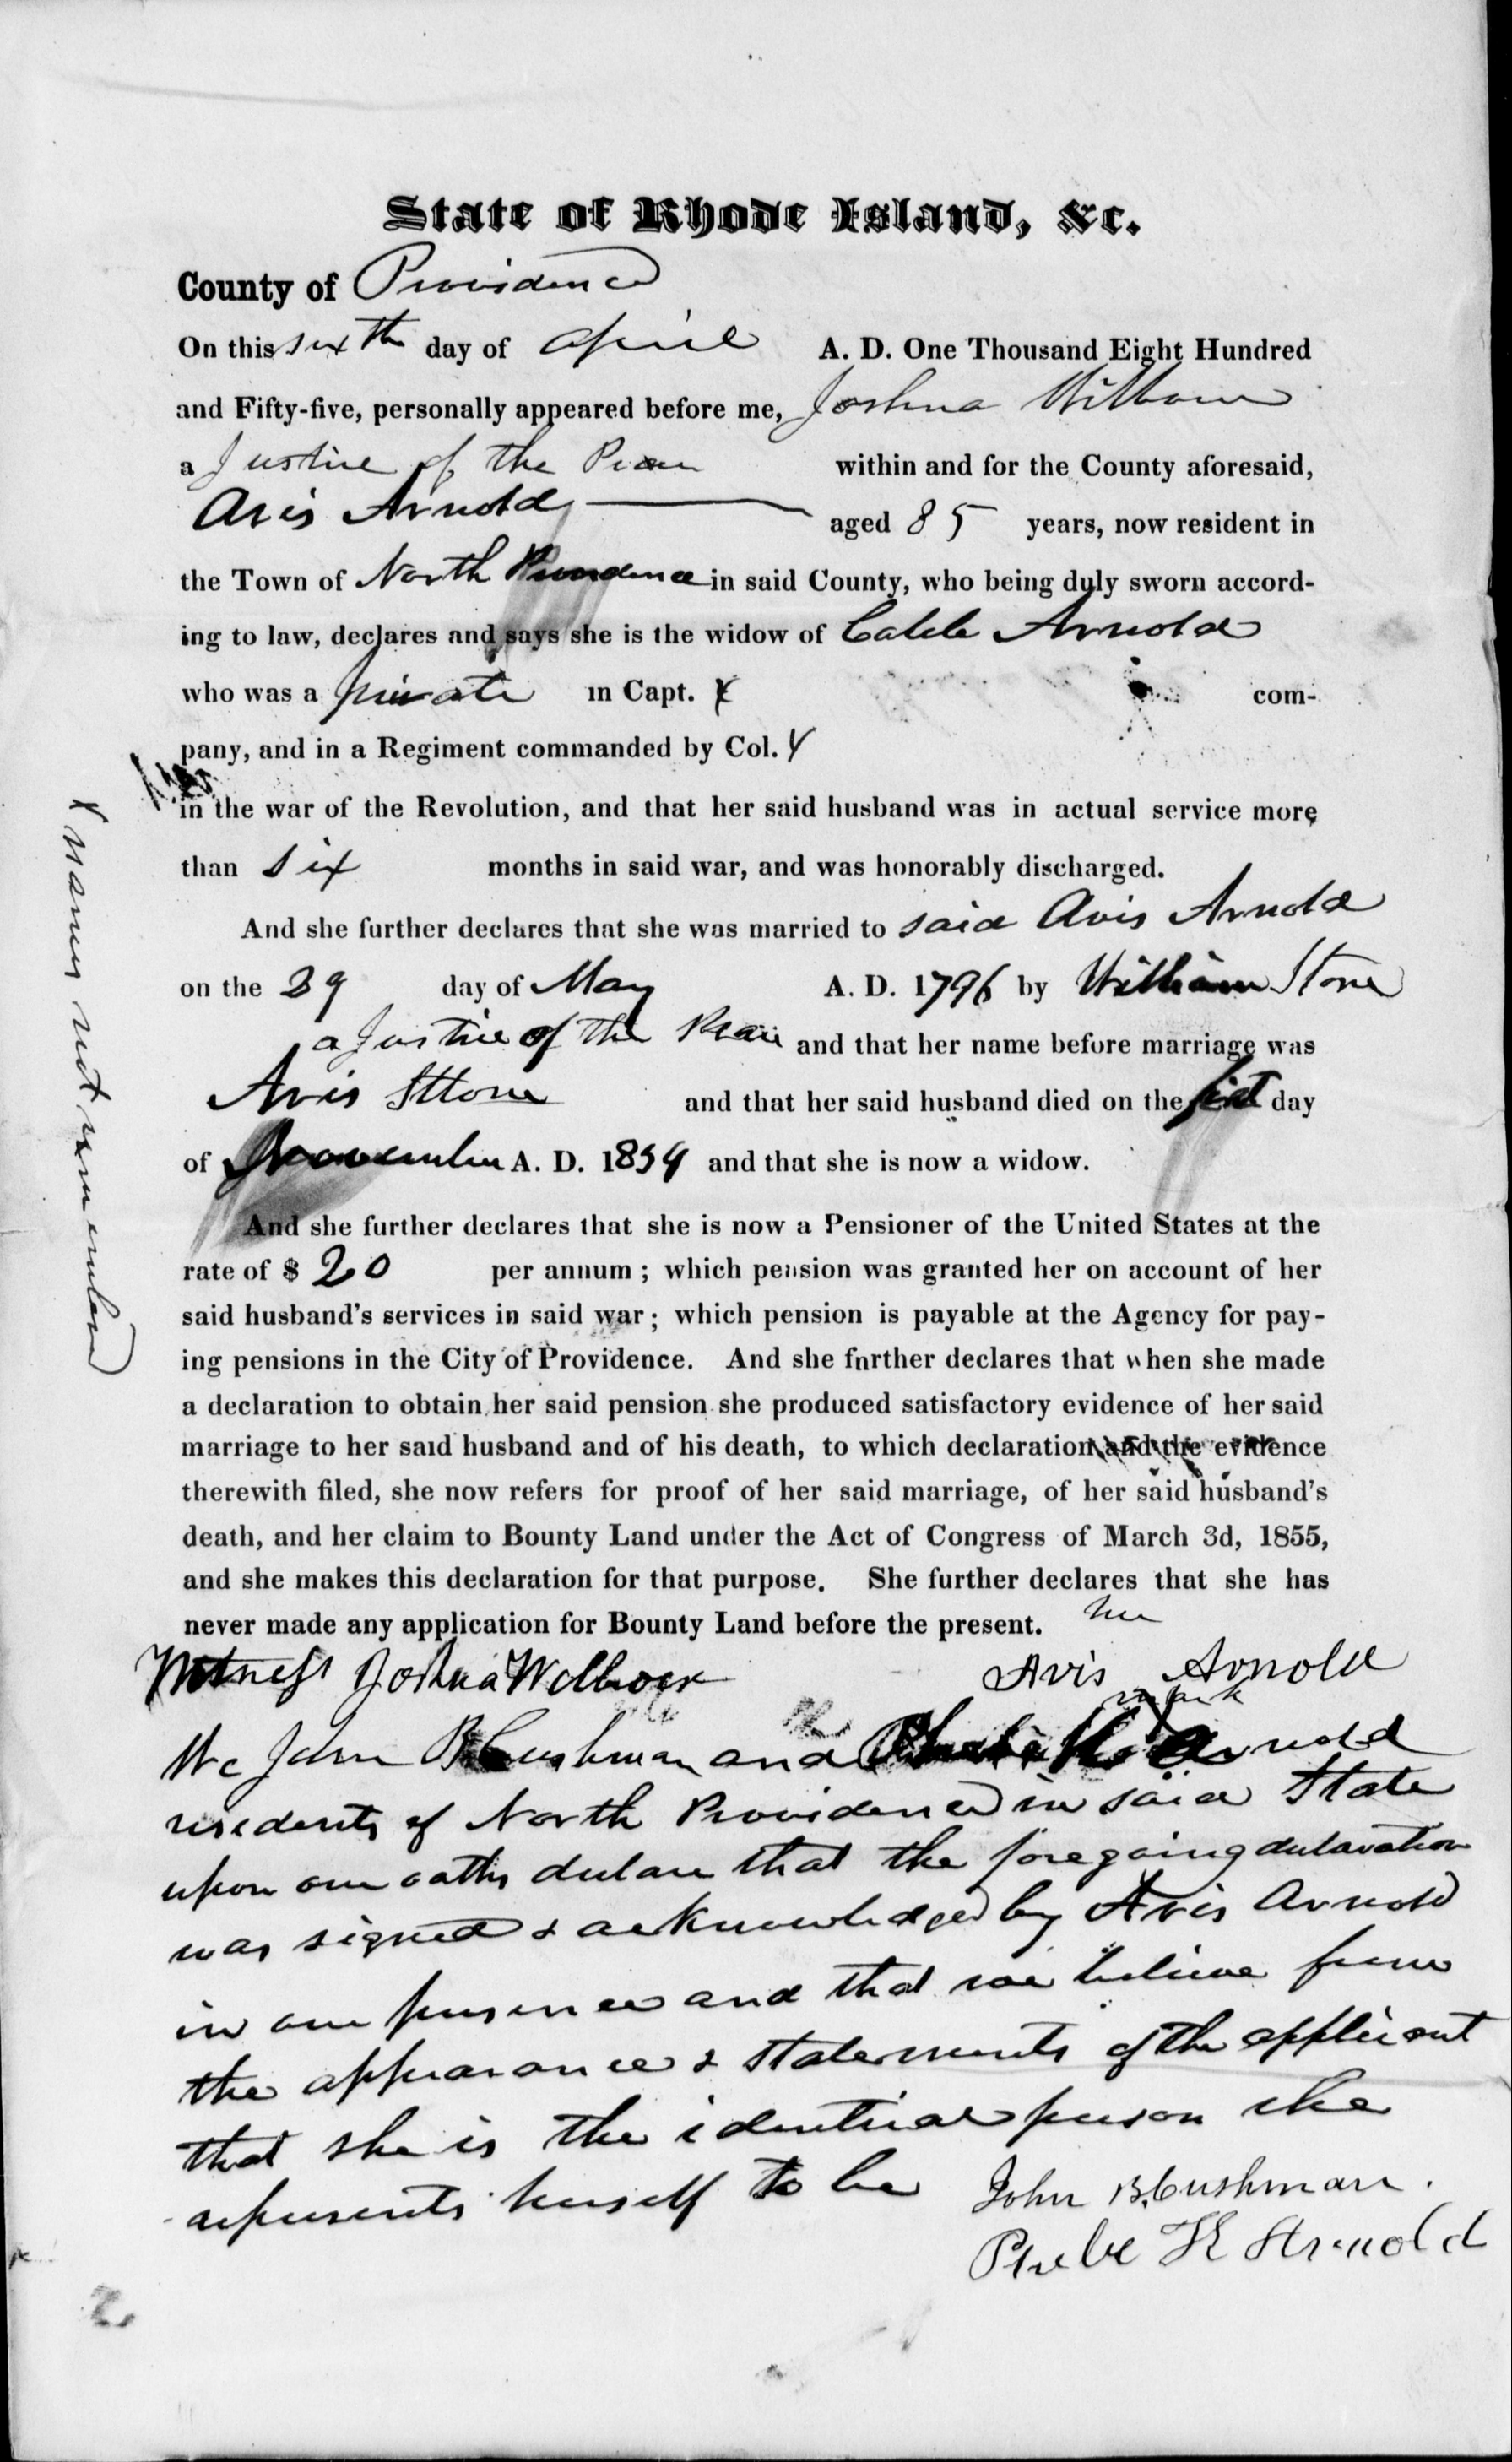State of Rhode Island, xc.
County of Providence
On this sixth day of April A.D. One Thousand Eight Hundred and Fifty-five, personally appeared before me, Joshua Wilbour a Justice of the Peace within and for the County aforesaid, Avis Arnold aged 85 years, now resident in the Town of North Providence in said County, who being duly sworn according to law, declares and says she is the widow of Caleb Arnold who was a Private in Capt. x company, and in a Regiment commanded by Col. x in the war of the Revolution, and that her husband was in actual service more than six months in said war, and was honorably discharged. 
And she further declares that she was married to said Avis Arnold on the 29 day of May A.D. 1796 by William Stone a Justice of the Peace and that her name before marriage was Avis Sttone and that her said husband died on the first day of [illegible] A.D. 1854 and that she is now a widow. 
And she further declares that she is now a Pensioner of the United States at the rate of $20 per annum; which pension was granted her on account of her said husband's services in said way; which pension is payable at the Agency for paying pensions in the City of Providence. And she further declares that when she made a declaration to obtain her said pension she produced satisfactory evidence of her said marriage to her said husband and of his death, to which declaration and the evidence therewith filed, she now refers for proof of her said marriage, of her said husband's death, and her claim to Bounty Land under the Act of Congress of March 3rd, 1855, and she makes this declaration for that purpose. She further declares that she has never made any application for Bounty Land before the present. 
[signed]Witness Joshua Wilboer
her Avis Arnold mark X
We John B Cushman and Phoebe H Arnold residents of North Providence in said State upon our oath declare that the foregoing declaration was signed + acknowledged by Avis Arnold
in our  presence + that we believe from the appearance + statement of the applicant that she is the identified person she represents herself to be
[signed] John B Cushman
[signed] Phoebe H Arnold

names: Caleb Arnold, John B Cushman, Phebe H Arnold, Joshua Wilbour, Phebe H Arnold, Joshua Wilboer, Avis Arnold, William Stone, John B Cushman, Avis Arnold, Avis Arnold, Avis Sttone, Avis Arnold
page: 16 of 29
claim: widow's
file: W. 2582, Caleb Arnold, R.I.